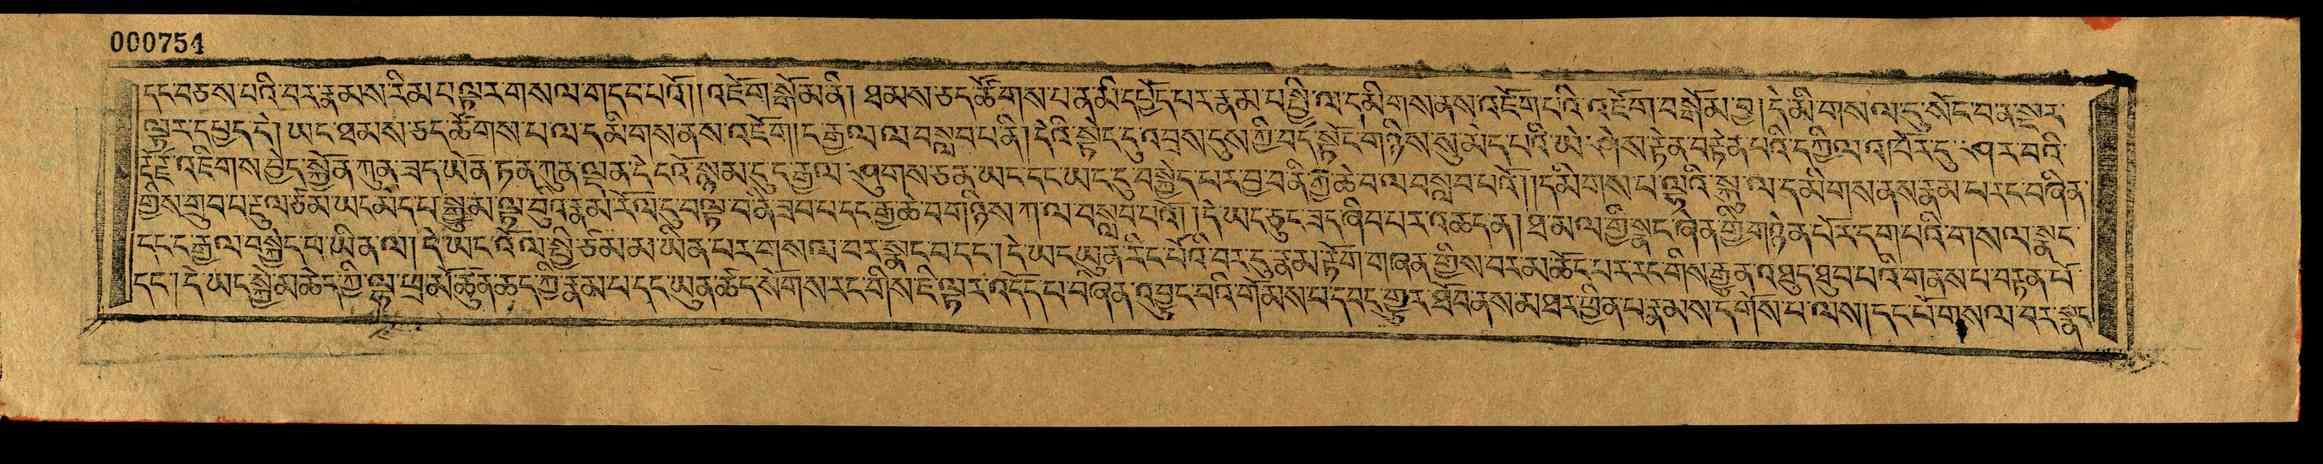དང་བཅས་པའི་བར་རྣམས་རིམ་པ་ལྟར་གསལ་གདབ་པའོ། །འཇོག་སྒོམ་ནི། ཐམས་ཅད་ཚོགས་པ་ན་མི་དཔྱོད་པར་རྣམ་པ་སྤྱི་ལ་དམིགས་ནས་འཇོག་པའི་འཇོག་བསྒོམ་བྱ། དེ་མི་གསལ་དུ་སོང་བ་ན་སྔར་
ལྟར་དཔྱད་དེ། ཡང་ཐམས་ཅད་ཚོགས་པ་ལ་དམིགས་ནས་འཇོག །ང་རྒྱལ་ལ་བསླབ་པ་ནི། དེའི་སྟེང་དུ་འབྲས་དུས་ཀྱི་བདེ་སྟོང་གཉིས་སུ་མེད་པའི་ཡེ་ཤེས་རྟེན་བརྟེན་པའི་དཀྱིལ་འཁོར་དུ་ཤར་བའི་
རྡོ་རྗེ་འཇིགས་བྱེད་སྐྱོན་ཀུན་ཟད་ཡོན་ཏན་ཀུན་ལྡན་དེ་ངའོ་སྙམ་དུ་ང་རྒྱལ་ཤུགས་ཅན་ཡང་དང་ཡང་དུ་བསྐྱེད་པར་བྱ་བ་ནི་རྒྱ་ཆེ་བ་ལ་བསླབ་པའོ། །དམིགས་པ་ལྷའི་སྐུ་ལ་དམིགས་ནས་རྣམ་པ་རང་བཞིན་
གྱིས་གྲུབ་པ་རྡུལ་ཙམ་ཡང་མེད་པ་སྒྱུ་མ་ལྟ་བུའི་རྣམ་རོལ་དུ་བལྟ་བ་ན་ཟབ་པ་དང་རྒྱ་ཆེ་བ་གཉིས་ཀ་ལ་བསླབ་པའོ། །དེ་ཡང་ཅུང་ཟད་ཞིབ་པར་འཆད་ན། ཐ་མལ་གྱི་སྣང་ཞེན་གྱི་གཉེན་པོར་དག་པའི་གསལ་སྣང་
དང་ང་རྒྱལ་བསྐྱེད་པ་ཡིན་ལ། དེ་ཡང་འོ་ལ་སྤྱི་ཙམ་མ་ཡིན་པར་གསལ་བར་སྣང་བ་དང་། དེ་ཡང་ཡུན་རིང་པོའི་བར་དུ་རྣམ་རྟོག་གཞན་གྱིས་བར་མ་ཆོད་པར་ངང་གིས་རྒྱུན་འཐུད་ཐུབ་པའི་གནས་པ་བརྟན་པོ་
དང༑ དེ་ཡང་སྐྱེ་མཆེད་ཀྱི་ལྷ་ཕྲ་མོ་ཚུན་ཆད་ཀྱི་རྣམ་པ་དང་ཡུན་ཚད་སོགས་རང་གིས་ཇི་ལྟར་འདོད་པ་བཞིན་འབྱུང་བའི་གོམས་པ་དབང་གྱུར་ཐོབ་ནས་མཐར་ཕྱིན་པ་རྣམས་དགོས་པ་ལས། དང་པོ་གསལ་བར་སྣང་